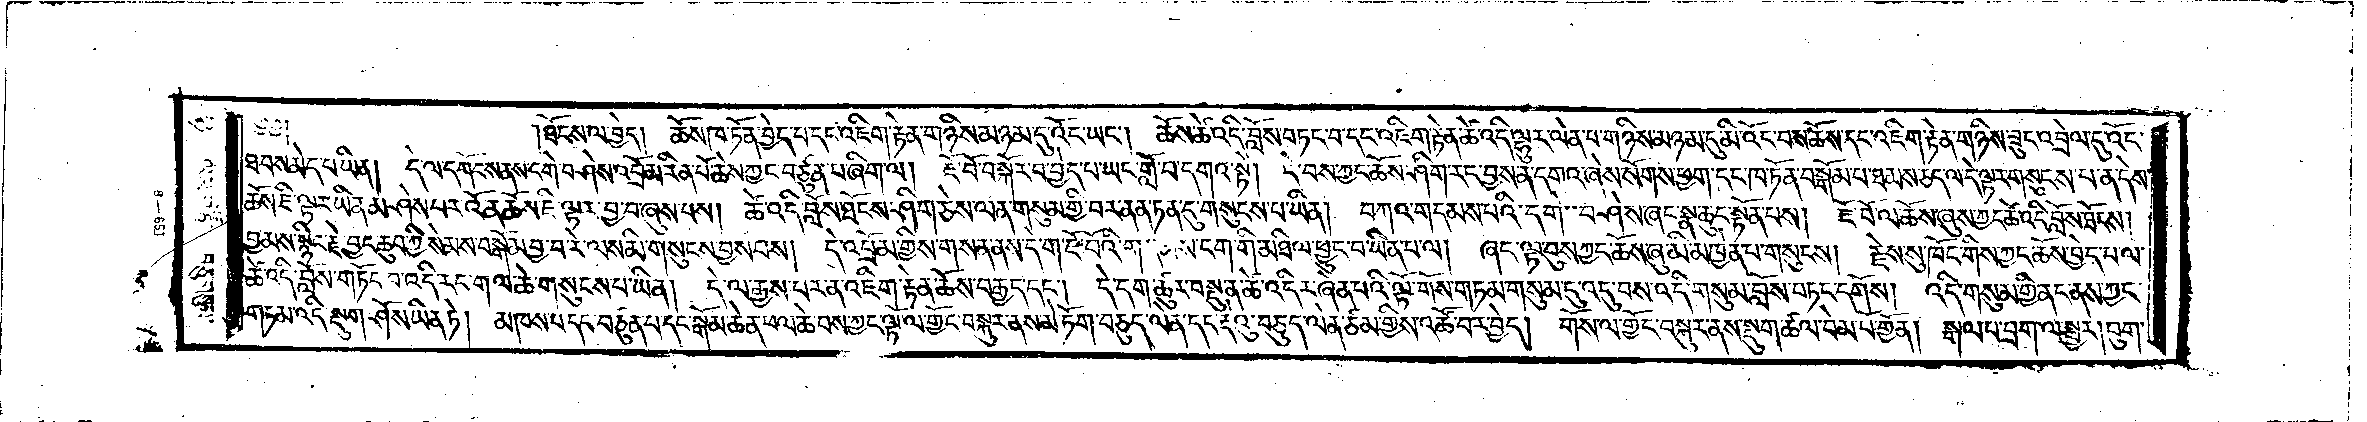༄༅། །ཐོངས་ལ་བྱེད། ཆོས་ཁ་ཏོན་བྱེད་པ་དང་འཇིག་རྟེན་གཉིས་མཉམ་དུ་འོང་ཡང་། ཆོས་ཚེ་འདི་བློས་བཏང་བ་དང་འཇིག་རྟེན་ཚེ་འདི་ལྷུར་ལེན་པ་གཉིས་མཉམ་དུ་མི་འོང་བས་ཆོས་དང་འཇིག་རྟེན་གཉིས་ཟུང་འབྲེལ་དུ་འོང་
ཐབས་མེད་པ་ཡིན། དེ་ལ་དགོངས་ནས་དགེ་བཤེས་འབྲོམ་རིན་པོ་ཆེས་ཀྱང་བཙུན་པ་ཞིག་ལ། ཇོ་བོ་བསྐོར་བ་བྱེད་པ་ཡང་གློ་བ་དགའ་སྟེ། དེ་བས་ཀྱང་ཆོས་ཤིག་རང་བྱས་ན་དགའ་ཞེས་སོགས་ཕྱག་དང་ཁ་ཏོན་དགོམ་པས་ཐམས་ཅད་ལ་དེ་ལྟར་གསུངས་པ་ན་དེས་
ཆོས་ཇི་ལྟར་ཡིན་མ་ཤེས་པར་འོ་ན་ཆོས་ཇི་ལྟར་བྱ་བ་ཞུས་པས། ཚེ་འདི་བློས་ཐོངས་ཤིག་ཅེས་ལན་གསུམ་གྱི་བར་ནན་ཏན་དུ་གསུངས་པ་ཡིན། བཀའ་གདམས་པའི་དགེ་བཤེས་ཞང་སྣ་ཆུང་སྟོན་པས། ཇོ་བོ་ལ་ཆོས་ཞུས་ཀྱང་ཚེ་འདི་བློས་ཐོངས།
བྱམས་སྙིང་རྗེ་བྱང་ཆུབ་ཀྱི་སེམས་བསྒོམ་བྱ་བ་རེ་ལས་མི་གསུངས་བྱས་པས། དེ་འབྲོམ་གྱིས་གསན་ནས་དེ་ག་ཇོ་བོའི་གདམས་ངག་གི་མཐིལ་ཕྱུང་བ་ཡིན་པ་ལ། ཞང་ལྟ་བུས་ཀྱང་ཆོས་ཞུ་མི་མཁྱེན་པ་གསུངས། རྗེས་སུ་ཁོང་གིས་ཀྱང་ཆོས་བྱེད་པ་ལ་
ཚེ་འདི་བློས་གཏོང་བ་འདི་རང་གལ་ཆེ་གསུངས་པ་ཡིན། དེ་ལ་རྒྱས་པར་ན་འཇིག་རྟེན་ཆོས་བརྒྱད་དང་། དེ་དག་ཚུར་བསྡུ་ན་ཚེ་འདིར་ཞེན་པའི་ལྟོ་གོས་གཏམ་གསུམ་དུ་འདུ་བས་འདི་གསུམ་བློས་བཏང་དགོས། འདི་གསུམ་གྱི་ནང་ནས་ཀྱང་
གཏམ་འདི་སྡུག་ཤོས་ཡིན་ཏེ། མཁས་པ་དང་བཙུན་པ་དང་སྒོམ་ཆེན་ཕལ་ཆེ་བས་ཀྱང་ལྟོ་ལ་གྱོང་བསྐུར་ནས་མེ་ཏོག་བཅུད་ལེན་དང་རྡེའུ་བཅུད་ལེན་ཙམ་གྱིས་འཚོ་བར་བྱེད། གོས་ལ་གྱོང་བསྐུར་ནས་སྡུག་ཚལ་བེམ་པོ་གྱོན། སྒལ་པ་བྲག་ལ་སྦྱར། བུག་